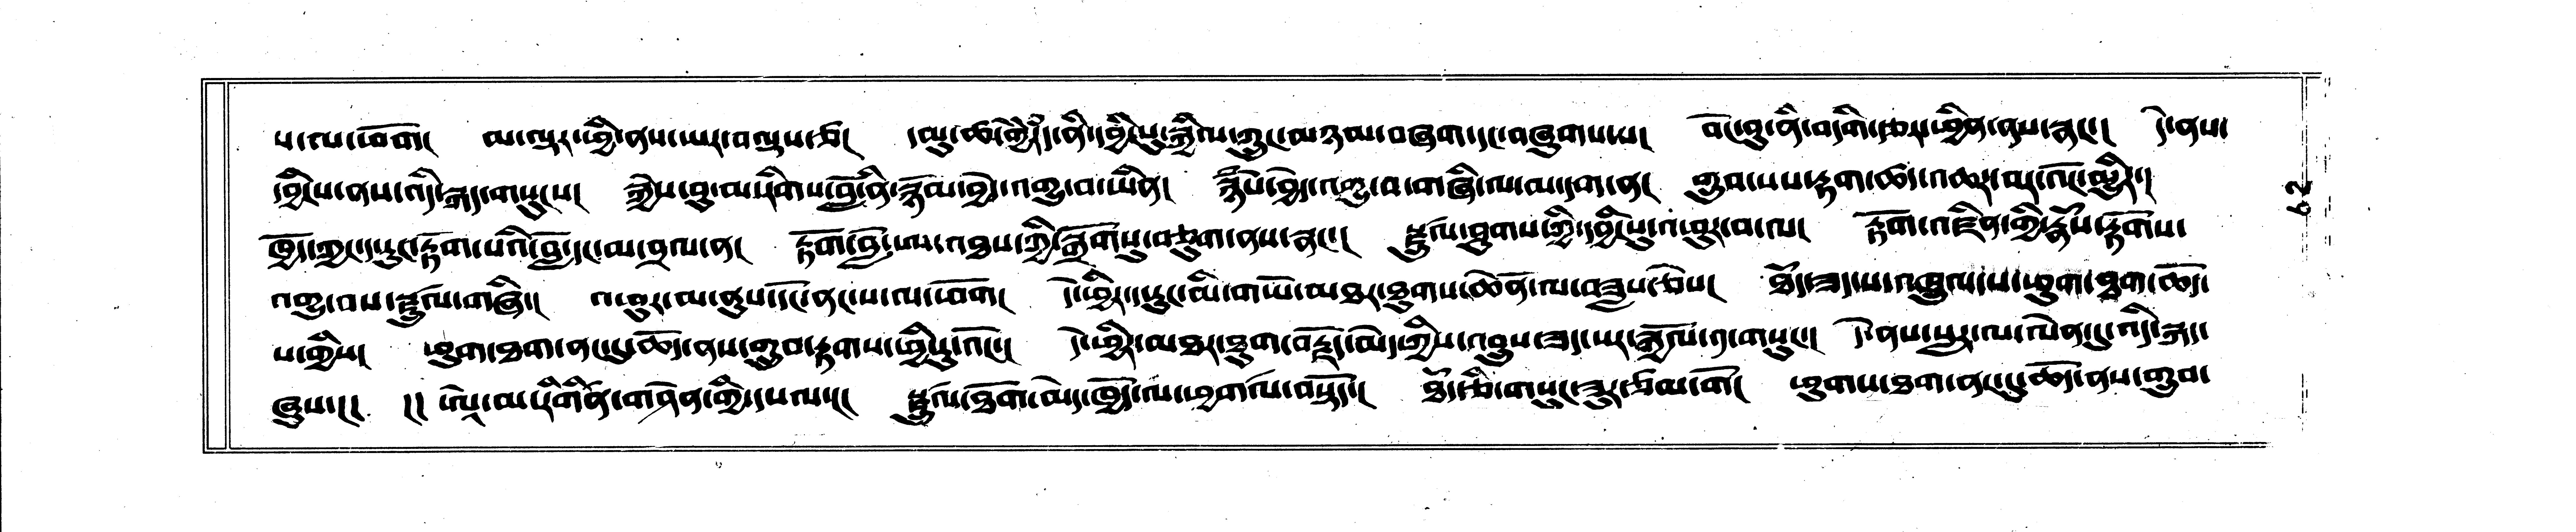ས་ལ་ཕོག མ་ལྟར་ཕྱི་ནས་ཡར་བལྟས་ཙ། དམུ་ཚ་གྱེར་མེད་ནི་དབྱིངས་སུ་སྐྱིལ་ཀྲུང་མཉམ་བཞག་ངང་བཞུགས་པ། བོང་བུ་ནི་བདག་གི་རྩར་ཕྱིན་ནས་སྣང་། དེ་ནས་
དབྱིངས་ནས་འདི་སྐད་གསུངས། སྐྱེས་བུ་མ་རིག་བློ་ནི་སྙོམ་བྱེད་འགྱུ་བ་ཡིན། སྙོམ་བྱེད་འགྱུ་བ་གཞི་ལ་མ་དག་ན། གྲུབ་པས་རྟགས་ཚད་འཆར་བར་འོང་མི་འགྱུར། 
ཁྱོད་ཀྱང་ད་རུང་རྟོག་པའི་བློ་དང་མ་བྲལ་ན། རྟོག་བློ་ཨ་འཐས་ཀྱི་སྒྲོགས་སུ་བཅུག་ནས་སྣང་། རྫུ་འཕྲུལ་ཐུགས་ཀྱི་དབྱིངས་སུ་འཕུར་བ་ལ། རྟོག་འཛིན་གྱི་རྣམ་རྟོག་
འགྱུ་བས་རྫུ་འཕྲུལ་གཞི། འཕུར་མ་ནུས་དོང་ནང་ས་ལ་ཕོག དེ་ཕྱིར་ད་རུང་མི་གཡོ་མཐར་ཐུགས་ཆེན་པོ་ལ་བཟླས་ཅེས། ཐམས་ཅད་ཟད་པ་འཁྲུལ་པ་ཕུག་ཐག་ཆོད་
པ་གྱིས། ཕུག་ཐག་ནང་དུ་ཆོད་ནས་གྲུབ་རྟགས་ཕྱི་རུ་འོང་། དེ་ཕྱིར་མཐར་ཐུག་བརྗོད་མེད་ཀྱིས་འབྲས་བུ་ཟད་སར་སྐྱོལ་གཅིག་གསུང་། དེ་ནས་སླར་ལ་ལན་དུ་འདི་སྐད་
ཞུས།།ཨཱེ་མ་རིག་འཛིན་གཤེན་གྱི་དཔལ།། རྫུ་འཕྲུལ་ཐོག་མེད་ཁྱོད་ལ་ཕྱག་འཚལ་བསྟོད། ཐམས་ཅད་ཅི་གསུང་ཟུར་ཙམ་གོ། ཕུགས་ཐག་ནང་དུ་ཆོད་ནས་གྲུབ་